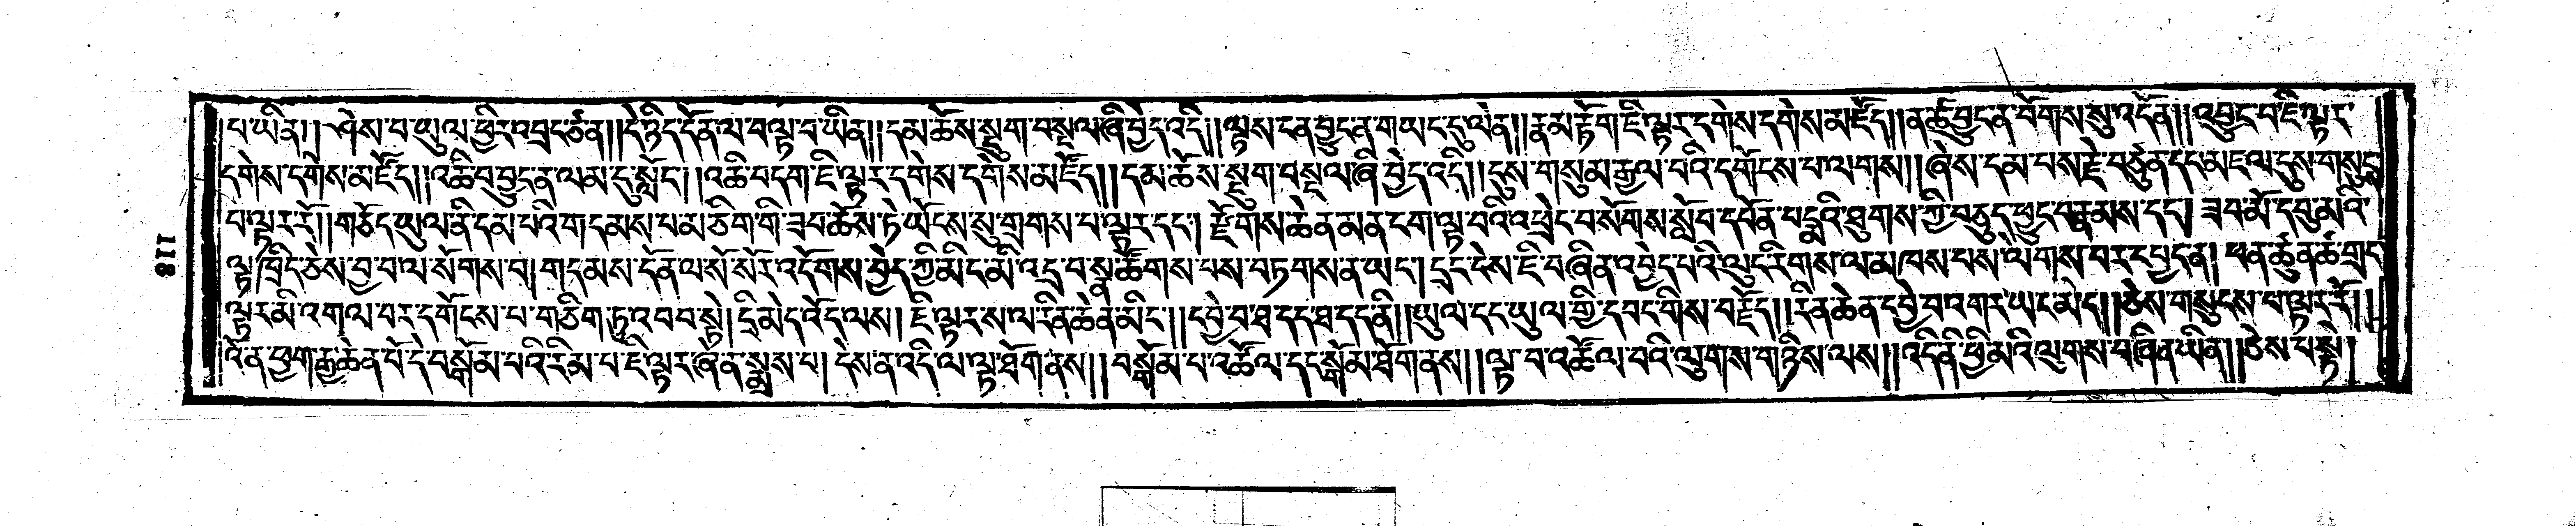པ་ཡིན། །ཤེས་པ་ཡུལ་ཕྱིར་འབྲང་ཙ་ན། །དེ་ཉིད་དོན་ལ་བལྟ་བ་ཡིན། །དམ་ཆོས་སྡུག་བསྔལ་ཞི་བྱེད་འདི། །ལྟས་ངན་བྱུང་ན་གཡང་དུ་ལེན། །རྣམ་རྟོག་ཇི་ལྟར་དགེས་དགེས་མཛོད། །ན་ཚ་བྱུང་ན་བོགས་སུ་འདོན། །འབྱུང་བ་ཇི་ལྟར་
དགེས་དགེས་མཛོད། །འཆི་བ་བྱུང་ན་ལམ་དུ་སློང་། །འཆི་བདག་ཇི་ལྟར་དགེས་དགེས་མཛོད། །དམ་ཆོས་སྡུག་བསྔལ་ཞི་བྱེད་འདི། །དུས་གསུམ་རྒྱལ་བའི་དགོངས་པ་ལགས། །ཞེས་དམ་པས་རྗེ་བཙུན་དང་མཇལ་དུས་གསུང་
པ་ལྟར་རོ། །གཅོད་ཡུལ་ནི་དམ་པའི་གདམས་པ་མ་ཅིག་གི་ཟབ་ཆོས་ཏེ་ཡོངས་སུ་གྲགས་པ་ལྟར་དང་། རྫོགས་ཆེན་མན་ངག་ལྟ་བའི་འཕྲེང་བ་སོགས་སློབ་དཔོན་པདམའི་ཐུགས་ཀྱི་བཅུད་ཕྱུང་བ་རྣམས་དང་། ཟབ་མོ་དབུ་མའི་
ལྟ་ཁྲིད་ཅེས་བྱ་བ་ལ་སོགས་པ། གདམས་དོན་ལ་སོ་སོར་འདོགས་བྱེད་ཀྱི་མིང་མི་འདྲ་བ་སྣ་ཚོགས་པས་བཏགས་ན་ཡང་། དྲང་ངེས་ཇི་བཞིན་འབྱེད་པའི་ལུང་རིགས་ལ་མཁས་པས་ལེགས་པར་དཔྱད་ན། ཕན་ཚུན་ཚ་གྲང་
ལྟར་མི་འགལ་བར་དགོངས་པ་གཅིག་ཏུ་འབབ་སྟེ། དྲི་མེད་འོད་ལས། ཇི་ལྟར་ས་ལ་རིན་ཆེན་མིང་། །དབྱེ་བ་ཐ་དད་ཐ་དད་ནི། །ཡུལ་དང་ཡུལ་གྱི་དབང་གིས་བརྗོད། །རིན་ཆེན་དབྱེ་བ་འགར་ཡང་མེད། །ཅེས་གསུངས་པ་ལྟར་རོ། །
འོ་ན་ཕྱག་རྒྱ་ཆེན་པོ་དེ་བསྒོམ་པའི་རིམ་པ་ཇི་ལྟར་ཞེ་ན་སྨྲས་པ། དེས་ན་འདི་ལ་ལྟ་ཐོག་ནས། །བསྒོམ་པ་འཚོལ་དང་སྒོམ་ཐོག་ནས། །ལྟ་བ་འཚོལ་བའི་ལུགས་གཉིས་ལས། །འདི་ནི་ཕྱི་མའི་ལུགས་བཞིན་ཡིན། །ཅེས་པ་སྟེ།